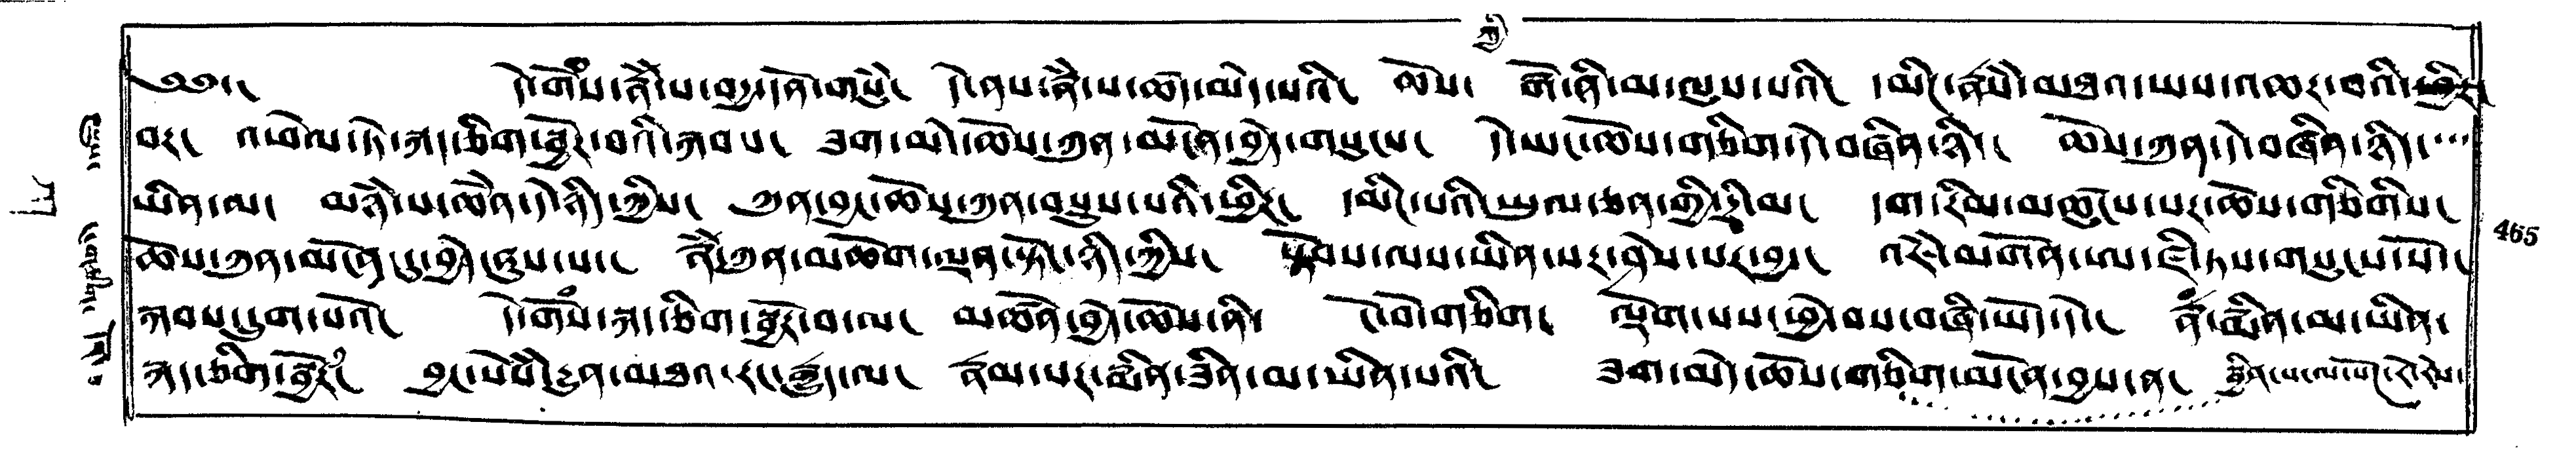དེ་གོམས་རྣམ་པ་བརྒྱ་དོན་གསུམ། །དེ་ནས་རྣམ་པ་ཚད་མེད་པའི། །ཆོས་ཀྱི་སྒོ་ནི་མ་ལུས་པའི། །དམིགས་རྣམ་མཐའ་ཡས་འཆར་བའི་
བར། །འཕེལ་ཏེ་སྐད་ཅིག་སྦྱོར་བའི་སྐབས། །ཟག་མེད་ཆོས་ཀུན་མངོན་བྱེད་གསུངས། །དེ་ཡང་ཆོས་གཅིག་དེ་བཞིན་ཉིད། །ཆོས་ཀུན་དེ་བཞིན་ཉིད་
ཡིན་ལ། །མཉམ་པ་ཆེན་པོ་དེ་ཉིད་ཀྱིས། །ཀུན་བྱང་ཆོས་ཀུན་བསྡུས་པའི་ཕྱིར། །དམིགས་པའི་ཡུལ་ཅན་གྱི་དྲི་མ། །དག་རིམ་མཚུངས་པར་ཆོས་གཅིག་གིས། །
ཆོས་ཀུན་མངོན་དུ་བྱེད་ནུས་པ། །རྣམ་ཀུན་མཆོག་ལྡན་སྟོང་ཉིད་ཀྱིས། །སྟོབས་ལས་ཡིན་པར་ཤེས་པར་བྱ། །འཇམ་མགོན་ཨ་ཛི་ཏས་གསུངས་སོ།།
སྐབས་དྲུག་པའོ།། །དེ་གོམས་སྐད་ཅིག་སྦྱོར་བ་ལ། །མཚོན་བྱེད་ཆོས་ནི་ངོ་བོ་གཅིག །ལྡོག་པས་ཕྱེ་བས་བཞི་ཡོད་དེ། །རྣམ་སྨིན་མ་ཡིན་
སྐད་ཅིག་སྦྱོར། །བྱང་སེམས་རྒྱུན་མཐའ་རང་རྒྱུད་ལ། །རྣམ་པར་སྨིན་ཟིན་མ་ཡིན་པའི། །ཟག་མེད་ཆོས་གཅིག་མངོན་བྱས་ནས།། སྦྱིན་པ་ལ་སོགས་རེ་རེས་